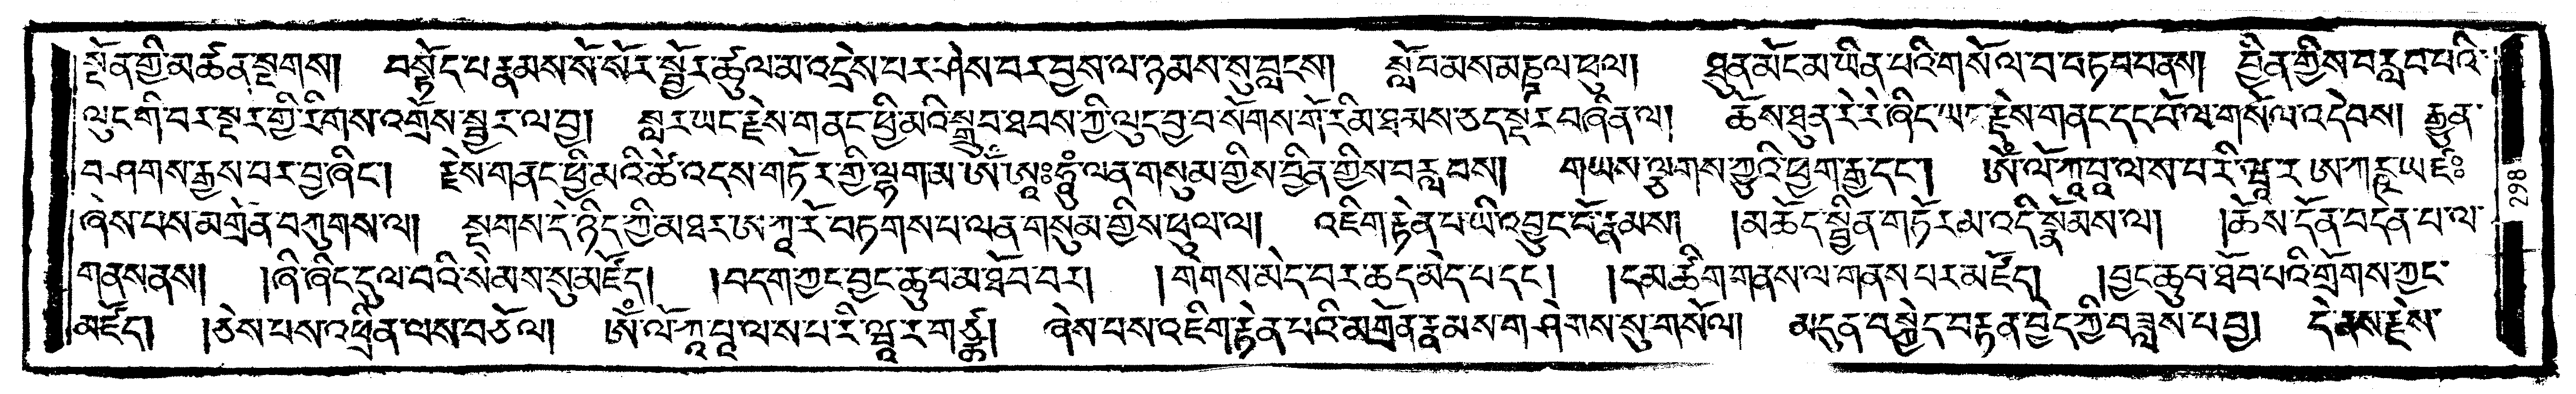སྔོན་གྱི་མཚན་སྔགས། བསྟོད་པ་རྣམས་སོ་སོར་སྦྱོར་ཚུལ་མ་འདྲེས་པར་ཤེས་པར་བྱས་ལ་ཉམས་སུ་བླངས། སློབ་མས་མཎྜལ་ཕུལ། ཐུན་མོང་མ་ཡིན་པའི་གསོལ་བ་བཏབ་པ་ནས། བྱིན་གྱིས་བརླབ་པའི་
ལུང་གི་བར་སྔར་གྱི་རིགས་འགྲོས་སྦྱར་ལ་བྱ། སླར་ཡང་རྗེས་གནང་ཕྱི་མའི་སྒྲུབ་ཐབས་ཀྱི་ལུང་བྱ་བ་སོགས་གོ་རིམ་ཐམས་ཅད་སྔར་བཞིན་ལ། ཆོས་ཐུན་རེ་རེ་ཞིང་ཡང་རྗེས་གནང་དང་པོ་ལ་གསོལ་འདེབས། རྒྱུན་
བཤགས་རྒྱས་པར་བྱ་ཞིང་། རྗེས་གནང་ཕྱི་མའི་ཚེ་འདས་གཏོར་གྱི་ལྷག་མ་ཨོཾ་ཨཱཿཧཱུཾ་ལན་གསུམ་གྱིས་བྱིན་གྱིས་བརླབས། གཡས་ལྕགས་ཀྱུའི་ཕྱག་རྒྱ་དང་། ཨོཾ་ལོ་ཀཱ་བཱ་ལ་ས་པ་རི་ཝཱ་ར་ཨ་ཀརྵ་ཡ་ཛཿ
ཞེས་པས་མགྲོན་བཀུགས་ལ། སྔགས་དེ་ཉིད་ཀྱི་མཐར་ཨ་ཀཱ་རོ་བཏགས་པ་ལན་གསུམ་གྱིས་ཕུལ་ལ། འཇིག་རྟེན་པ་ཡི་འབྱུང་བོ་རྣམས། །མཆོད་སྦྱིན་གཏོར་མ་འདི་སྣོམས་ལ། །ཆོས་དོན་བདེན་པ་ལ་
གནས་ནས། །ཞི་ཞིང་དུལ་བའི་སེམས་སུ་མཛོད། །བདག་ཀྱང་བྱང་ཆུབ་མ་ཐོབ་བར། །གེགས་མེད་བར་ཆད་མེད་པ་དང་། །དམ་ཚིག་གནས་ལ་གནས་པར་མཛོད། །བྱང་ཆུབ་ཐོབ་པའི་གྲོགས་ཀྱང་
མཛོད། །ཅེས་པས་འཕྲིན་ལས་བཅོལ། ཨོཾ་ལོ་ཀཱ་པཱ་ལ་ས་པ་རི་ཝཱ་ར་གཙྪ། ཞེས་པས་འཇིག་རྟེན་པའི་མགྲོན་རྣམས་གཤེགས་སུ་གསོལ། མདུན་བསྐྱེད་བརྟན་བྱེད་ཀྱི་བཟླས་པ་བྱ། དེ་ནས་རྗེས་